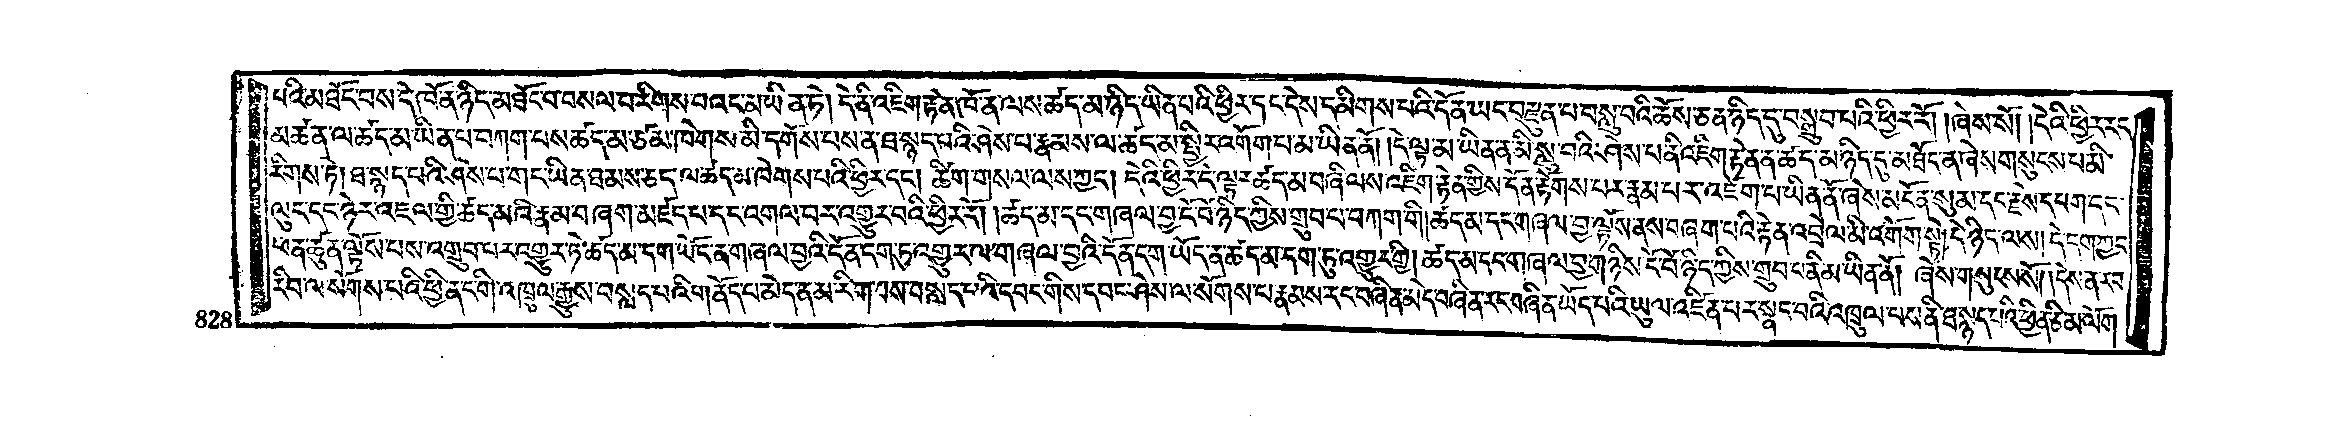པའི་མཐོང་བས་དེ་ཁོ་ན་ཉིད་མཐོང་བ་བསལ་བ་རིགས་པའང་མ་ཡིན་ཏེ། དེ་ནི་འཇིག་རྟེན་ཁོ་ན་ལས་ཚད་མ་ཉིད་ཡིན་པའི་ཕྱིར་དང་དེས་དམིགས་པའི་དོན་ཡང་བརྫུན་པ་བསླུ་བའི་ཆོས་ཅན་ཉིད་དུ་བསྒྲུབ་པའི་ཕྱིར་རོ། །ཞེས་སོ། །དེའི་ཕྱིར་རང་
མཚན་ལ་ཚད་མ་ཡིན་པ་བཀག་པས་ཚད་མ་ཙམ་ཁེགས་མི་དགོས་པས་ན་ཐ་སྙད་པའི་ཤེས་པ་རྣམས་ལ་ཚད་མ་སྤྱིར་འགོག་པ་མ་ཡིན་ནོ། །དེ་ལྟ་མ་ཡིན་ན་མི་སླུ་བའི་ཤེས་པ་ནི་འཇིག་རྟེན་ན་ཚད་མ་ཉིད་དུ་མཐོང་ན་ཞེས་གསུངས་པ་མི་
རིགས་ཏེ། ཐ་སྙད་པའི་ཤེས་པ་གང་ཡིན་ཐམས་ཅད་ལ་ཚད་མ་ཁེགས་པའི་ཕྱིར་དང་། ཚིག་གསལ་ལས་ཀྱང་། དེའི་ཕྱིར་དེ་ལྟར་ཚད་མ་བཞི་ལས་འཇིག་རྟེན་གྱིས་དོན་རྟོགས་པར་རྣམ་པར་འཇོག་པ་ཡིན་ནོ་ཞེས་མངོན་སུམ་དང་རྗེས་དཔག་དང་
ལུང་དང་ཉེར་འཇལ་གྱི་ཚད་མའི་རྣམ་གཞག་མཛད་པ་དང་འགལ་བར་འགྱུར་བའི་ཕྱིར་རོ། །ཚད་མ་དང་གཞལ་བྱ་ངོ་བོ་ཉིད་ཀྱིས་གྲུབ་པ་བཀག་གི། ཚད་མ་དང་གཞལ་བྱ་ལྟོས་ནས་བཞག་པའི་རྟེན་འབྲེལ་མི་འགོག་སྟེ། དེ་ཉིད་ལས། དེ་དག་ཀྱང་
ཕན་ཚུན་ལྟོས་པས་འགྲུབ་པར་འགྱུར་ཏེ་ཚད་མ་དག་ཡོད་ན་གཞལ་བྱའི་དོན་དག་ཏུ་འགྱུར་ལ་གཞལ་བྱའི་དོན་དག་ཡོད་ན་ཚད་མ་དག་ཏུ་འགྱུར་གྱི། ཚད་མ་དང་གཞལ་བྱ་གཉིས་ངོ་བོ་ཉིད་ཀྱིས་གྲུབ་པ་ནི་མ་ཡིན་ནོ། །ཞེས་གསུངས་སོ། །དེས་ན་རབ་
རིབ་ལ་སོགས་པའི་ཕྱི་ནང་གི་འཁྲུལ་རྒྱུས་བསླད་པའི་གནོད་པ་མེད་ན་མ་རིག་པས་བསླད་པའི་དབང་གིས་དབང་ཤེས་ལ་སོགས་པ་རྣམས་རང་བཞིན་མེད་བཞིན་རང་བཞིན་ཡོད་པའི་ཡུལ་འཛིན་པར་སྣང་བའི་འཁྲུལ་པས་ནི་ཐ་སྙད་པའི་ཕྱིན་ཅི་མ་ལོག་